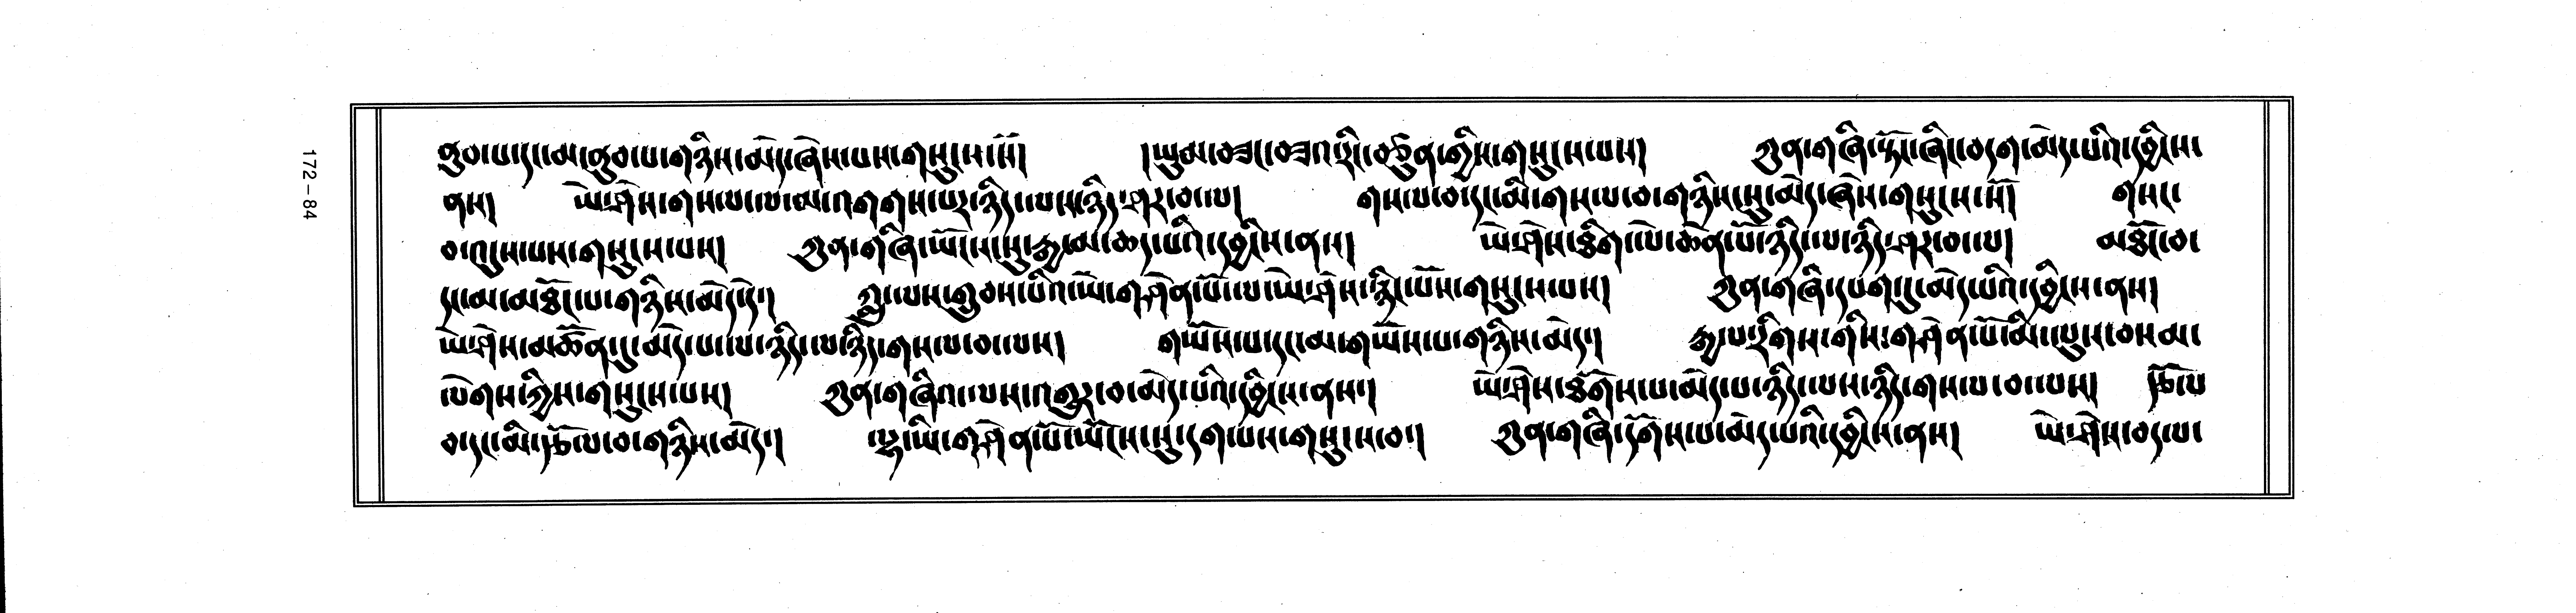ནུབ་པ་དང་མ་ནུབ་པ་གཉིས་མེད་ཞེས་པས་གསུངས་སྭོ། ཡུམ་བཟང་བཟའ་རིང་བཙུན་གྱིས་གསུངས་པས། ཀུན་གཞི་སྟོང་ཞིང་བདག་མེད་པའི་དབྱིངས་
ནས། ཡེ་ཤེས་གསལ་ལ་མ་འགགས་པར་ཉིད་ལས་ཉིད་ཤར་བ་ལ། གསལ་བ་དང་མི་གསལ་བ་གཉིས་སུ་མེད་ཞེས་གསུངས་སྭོ། གསང་
བ་འདུས་པས་གསུངས་པས། ཀུན་གཞི་ཡོངས་སུ་རྒྱ་མ་ཆད་པའི་དབྱིངས་ནས། ཡེ་ཤེས་ཐིག་ལེ་ཆེན་པོ་ཉིད་ལ་ཉིད་ཤར་བ་ལ། མཐོང་བ་
དང་མ་མཐོང་པ་གཉིས་མེད་དེ། ཀླུ་ལས་གྲུབས་པའི་ཡེ་གཤེན་པོ་ལ་ཡེ་ཤེས་སྙིང་པོས་གསུངས་པས། ཀུན་གཞི་དཔག་དུ་མེད་པའི་དབྱིངས་ནས། 
ཡེ་ཤེས་མཚོན་དུ་མེད་པ་ལ་ཉིད་ལ་ཉིད་གསལ་བ་ལས། གཡོས་པ་དང་མ་གཡོས་པ་གཉིས་མེད། རྒྱལ་རིགས་གིས་གཤེན་པོ་མི་ལུས་བསམ་
ལེགས་ཀྱིས་གསུངས་པས། ཀུན་གཞིའ་ལས་འགྱུར་བ་མེད་པའི་དབྱིངས་ནས། ཡེ་ཤེས་ཐོགས་པ་མེད་པ་ཉིད་ལས་ཉིད་གསལ་བ་ལས། རྩོལ་
བ་དང་མི་རྩོལ་བ་གཉིས་མེད། ལྷ་ཡི་གཤེན་པོ་ཡོངས་སུ་དག་པས་གསུངས་བ། ཀུན་གཞི་དགོས་པ་མེད་པའི་དབྱིངས་ནས། ཡེ་ཤེས་བདལ་